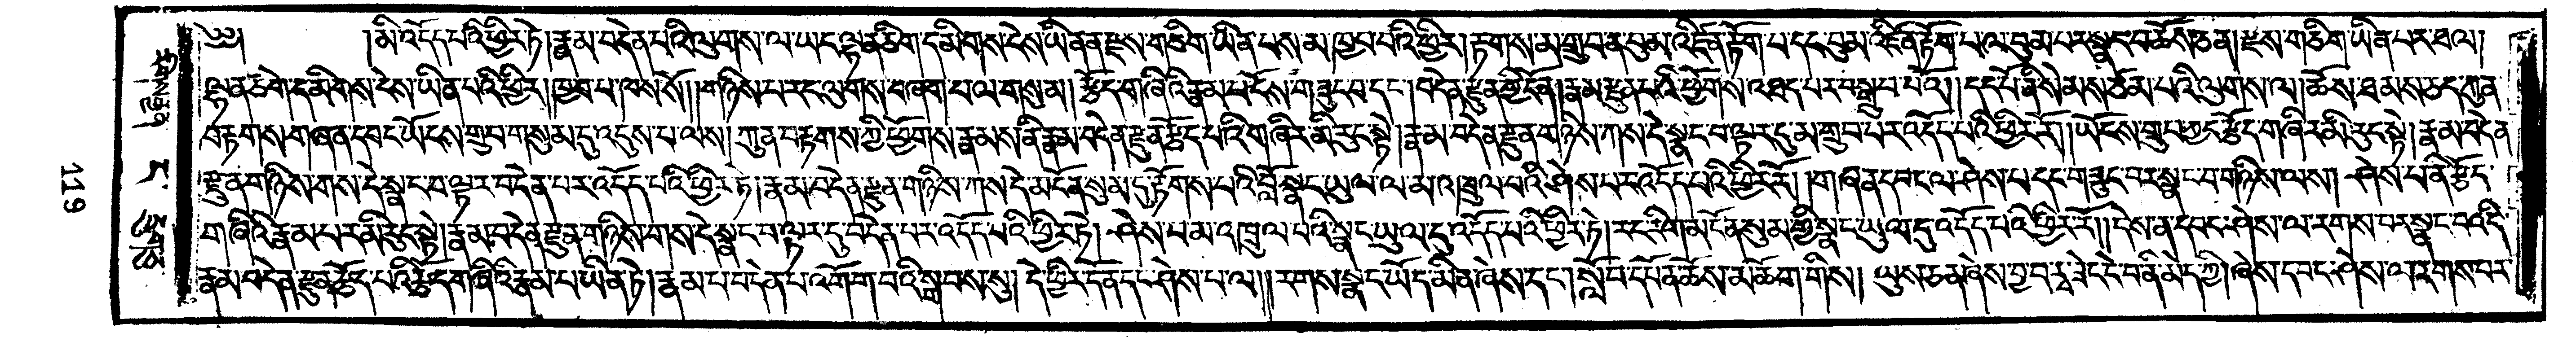༄༅། །མི་འདོད་པའི་ཕྱིར་ཏེ། རྣམ་བདེན་པའི་ལུགས་ལ་ཡང་ལྷན་ཅིག་དམིགས་ངེས་ཡིན་ན་རྫས་གཅིག་ཡིན་པས་མ་ཁྱབ་པའི་ཕྱིར། རྟགས་མ་གྲུབ་ན་བུམ་འཛིན་རྟོག་པ་དང་བུམ་འཛིན་རྟོག་པ་ལ་བུམ་པར་སྣང་བ་ཆོས་ཅན། རྫས་གཅིག་ཡིན་པར་ཐལ།
ལྷན་ཅིག་དམིགས་ངེས་ཡིན་པའི་ཕྱིར། ཁྱབ་པ་ཁས་སོ། །གཉིས་པ་རང་ལུགས་བཞག་པ་ལ་གསུམ། རྩོད་གཞིའི་རྣམ་པ་ངོས་གཟུང་བ་དང་། བདེན་རྫུན་གྱི་དོན། རྣམ་རྫུན་པའི་ཕྱོགས་འཐད་པར་བསྒྲུབ་པའོ། །དང་པོ་ནི་སེམས་ཙམ་པའི་ལུགས་ལ། ཆོས་ཐམས་ཅད་ཀུན་
བརྟགས་གཞན་དབང་ཡོངས་གྲུབ་གསུམ་དུ་འདུས་པ་ལས། ཀུན་བརྟགས་ཀྱི་ཕྱོགས་རྣམས་ནི་རྣམ་བདེན་རྫུན་རྩོད་པའི་གཞིར་མི་རུང་སྟེ། རྣམ་བདེན་རྫུན་གཉིས་ཀས་དེ་སྣང་བ་ལྟར་དུ་མ་གྲུབ་པར་འདོད་པའི་ཕྱིར་རོ། །ཡོངས་གྲུབ་ཀྱང་རྩོད་གཞིར་མི་རུང་སྟེ། རྣམ་བདེན་
རྫུན་གཉིས་ཀས་དེ་སྣང་བ་ལྟར་བདེན་པར་འདོད་པའི་ཕྱིར་ཏེ། རྣམ་བདེན་རྫུན་གཉིས་ཀས་དེ་མངོན་སུམ་དུ་རྟོགས་པའི་བློ་སྣང་ཡུལ་ལ་མ་འཁྲུལ་བའི་ཤེས་པར་འདོད་པའི་ཕྱིར་རོ། །གཞན་དབང་ལ་ཤེས་པ་དང་གཟུང་བར་སྣང་བ་གཉིས་ལས། ཤེས་པ་ནི་རྩོད་
གཞིའི་རྣམ་པར་མི་རུང་སྟེ། རྣམ་བདེན་རྫུན་གཉིས་ཀས་དེ་སྣང་བ་ལྟར་དུ་བདེན་པར་འདོད་པའི་ཕྱིར་ཏེ། ཤེས་པ་མ་འཁྲུལ་བའི་སྣང་ཡུལ་དུ་འདོད་པའི་ཕྱིར་ཏེ། རང་རིག་མངོན་སུམ་གྱི་སྣང་ཡུལ་དུ་འདོད་པའི་ཕྱིར་རོ། །དེས་ན་དབང་ཤེས་ལ་རགས་པར་སྣང་བ་འདི་
རྣམ་བདེན་རྫུན་རྩོད་པའི་རྩོད་གཞིའི་རྣམ་པ་ཡིན་ཏེ། རྣམ་པ་བདེན་པ་འགོག་པའི་སྐབས་སུ། དེ་ཕྱིར་དོན་དང་ཤེས་པ་ལ། །རགས་སྣང་ཡོ་མིན་ཞེས་དང་། སློབ་དཔོན་ཆོས་མཆོག་གིས། ལུས་ཅན་ཞེས་བྱ་བ་རྭ་ཟེང་ངེ་བ་ནི་མེད་ཀྱི། ཞེས་དབང་ཤེས་ལ་རགས་པར་